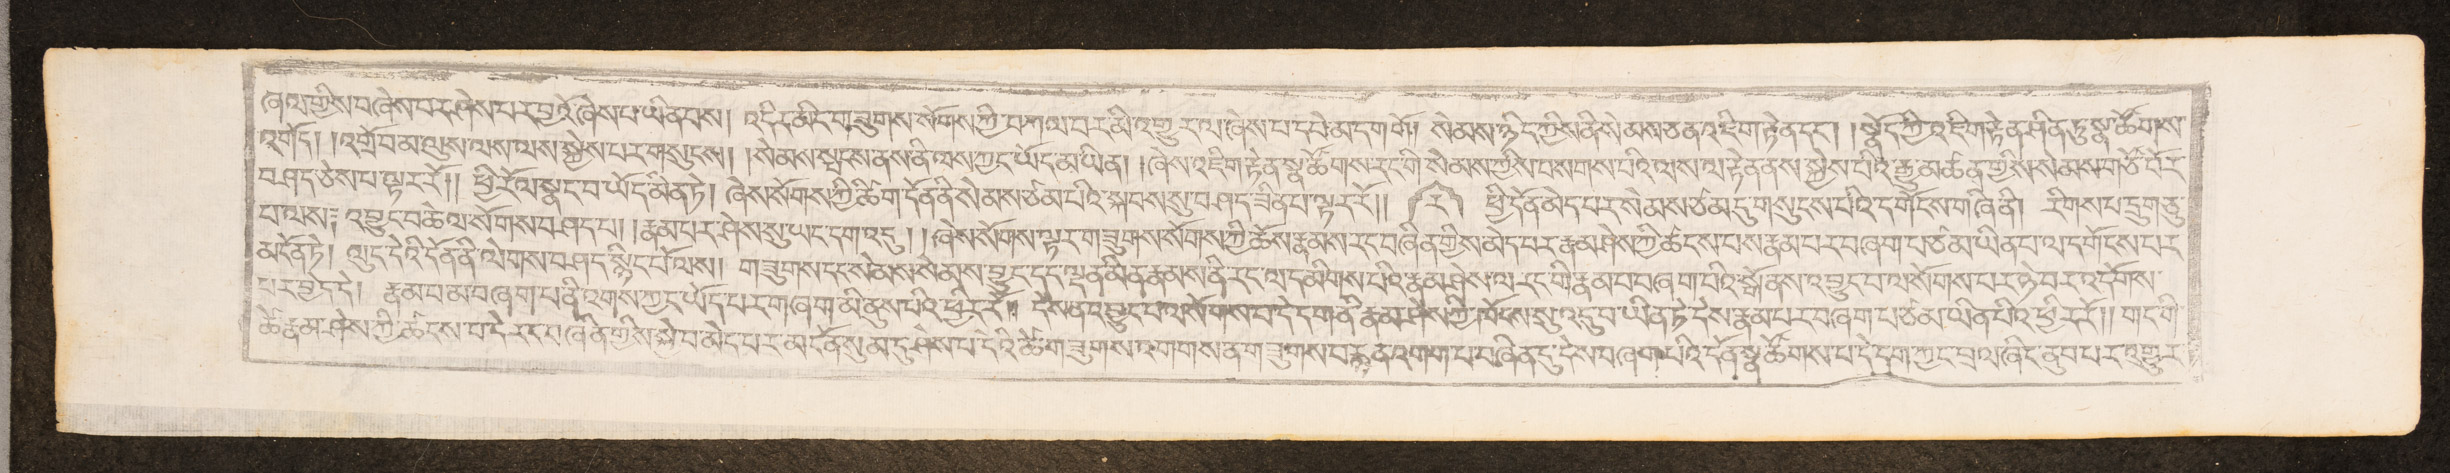ཞལ་གྱིས་བཞེས་པར་ཤེས་པར་བྱའོ་ཞེས་པ་ཡིན་པས། འདྲི་མིང་གཟུགས་སོགས་ཀྱི་བཀལ་བར་མི་འགྱུར་ལ་ཞེས་པ་དཔེ་མ་དག་གོ། སེམས་ཉིད་ཀྱིས་ནི་སེམས་ཅན་འཇིག་རྟེན་དང་། །སྣོད་ཀྱི་འཇིག་རྟེན་ཤིན་ཏུ་སྣ་ཚོགས་
འགོད། །འགྲོ་བ་མ་ལུས་ལས་ལས་སྐྱེས་པར་གསུངས། །སེམས་སྤངས་ནས་ནི་ལས་ཀྱང་ཡོད་མ་ཡིན། །ཞེས་འཇིག་རྟེན་སྣ་ཚོགས་རང་གི་སེམས་ཀྱིས་བསགས་པའི་ལས་ལ་རྟེན་ན་སྐྱེས་པའི་རྒྱུ་མཚན་གྱིས་སེམས་གཙོ་བོར་
བཤད་ཅེས་པ་ལྟར་རོ། །ཕྱི་རོལ་སྣང་བ་ཡོད་མིན་ཏེ། ཞེས་སོགས་ཀྱི་ཚིག་དོན་ནི་སེམས་ཙམ་པའི་སྐབས་སུ་བཤད་ཟིན་པ་ལྟར་རོ། །༼༽ར༼༽ ཕྱི་དོན་མེད་པར་སེམས་ཙམ་དུ་གསུངས་པའི་དགོངས་གཞི་ནི། རིགས་པ་དྲུག་ཅུ་
པ་ལས༑ འབྱུང་བ་ཆེ་ལ་སོགས་བཤད་པ། །རྣམ་པར་ཤེས་སུ་ཡང་དག་འདུ། །ཞེས་སོགས་ལྟར་གཟུགས་སོགས་ཀྱི་ཆོས་རྣམས་རང་བཞིན་གྱིས་མེད་པར་རྣམ་ཤེས་ཀྱི་ཚངས་པས་རྣམ་པར་བཞག་པ་ཙམ་ཡིན་པ་ལ་དགོངས་པར་
མངོན་ཏེ། ལུང་དེའི་དོན་ནི་ལེགས་བཤད་སྙིང་པོ་ལས། གཟུགས་དང་སེམས་སེམས་བྱུང་དང་ལྡན་མིན་རྣམས་ནི་རང་ལ་དམིགས་པའི་རྣམ་ཤེས་ལ་རང་གི་རྣམ་པ་བཞག་པའི་སྒོ་ནས་འབྱུང་བ་ལ་སོགས་པར་ཉེ་བར་འདོགས་
པར་བྱེད་དེ། རྣམ་པ་མ་བཞག་པ་ནི་འགས་ཀྱང་ཡོད་པར་གཞག་མི་ནུས་པའི་ཕྱིར་རོ། །དེ་ན་འབྱུང་བ་ལ་སོགས་པ་དེ་དག་ནི་རྣམ་ཤེས་ཀྱི་ཁོངས་སུ་འདུ་བ་ཡིན་ཏེ། དེས་རྣམ་པར་བཞག་པ་ཙམ་ཡིན་པའི་ཕྱིར་རོ།། གང་གི་
ཚེ་མ་ཤེས་ཀྱི་ཚངས་པ་དེ་རང་བཞིན་གྱི་སྐྱེ་བ་མེད་པར་མངོན་སུམ་དུ་ཤེས་པ་དེའི་ཚེ་གཟུགས་འགགས་ན་གཟུགས་བརྙན་འགག་པ་བཞིན་དུ་དེས་བཞག་པའི་དོན་སྣ་ཚོགས་པ་དེ་དག་ཀྱང་བྲལ་ཞིང་ནུབ་པར་འགྱུར་